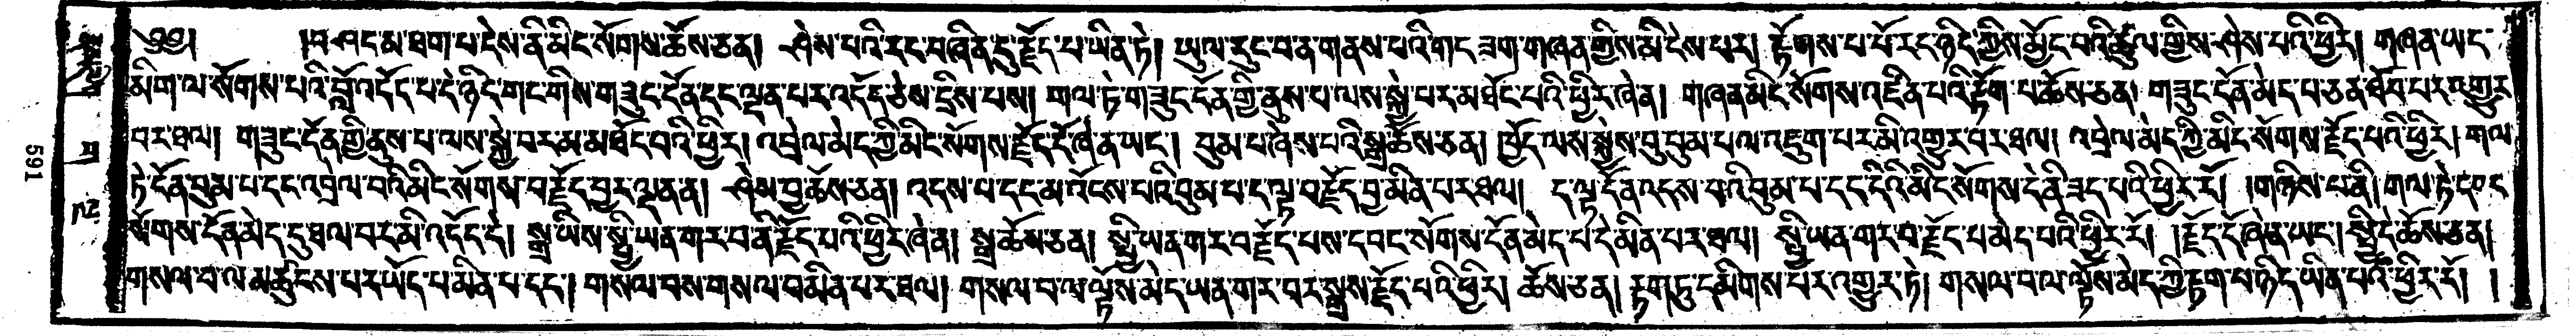༄༅། །བཤད་མ་ཐག་པ་དེས་ནི་མིང་སོགས་ཆོས་ཅན། ཤེས་པའི་རང་བཞིན་དུ་རྗོད་པ་ཡིན་ཏེ། ཡུལ་རུང་བ་ན་གནས་པའི་གང་ཟག་གཞན་གྱིས་མི་ངེས་པར། རྟོགས་པ་པོ་རང་ཉིད་ཀྱིས་མྱོང་བའི་ཚུལ་གྱིས་ཤེས་པའི་ཕྱིར། གཞན་ཡང་
མིག་ལ་སོགས་པའི་བློ་འདོད་པ་དེ་ཉིད་གང་གིས་གཟུང་དོན་དང་ལྡན་པར་འདོད་ཅེས་དྲིས་པས། གལ་ཏེ་གཟུང་དོན་གྱི་ནུས་པ་ལས་སྐྱེ་པར་མཐོང་པའི་ཕྱིར་ཞེ་ན། གཞན་མིང་སོགས་འཛིན་པའི་རྟོག་པ་ཆོས་ཅན། གཟུང་དོན་མེད་པ་ཅན་ཐོབ་པར་འགྱུར་
བར་ཐལ། གཟུང་དོན་གྱི་ནུས་པ་ལས་སྐྱེ་བར་མ་མཐོང་བའི་ཕྱིར། འབྲེལ་མེད་ཀྱི་མིང་སོགས་རྗོད་དོ་ཞེ་ན་ཡང་། བུམ་པ་ཞེས་པའི་སྒྲ་ཆོས་ཅན། ཁྱོད་ལས་སྐྱེས་བུ་བུམ་པ་ལ་འཇུག་པར་མི་འགྱུར་བར་ཐལ། འབྲེལ་མེད་ཀྱི་མིང་སོགས་རྗོད་པའི་ཕྱིར། གལ་
ཏེ་ངོན་བུམ་པ་དང་འབྲེལ་བའི་མིང་སོགས་བརྗོད་བྱར་ལྡན་ན། ཤེས་བྱ་ཆོས་ཅན། འདས་པ་དང་མ་འོངས་པའི་བུམ་པ་ད་ལྟ་བརྗོད་བྱ་མིན་པར་ཐལ། ད་ལྟ་དོན་འདས་པའི་བུམ་པ་དང་དིའི་མིང་སོགས་དེ་ནི་ཟད་པའི་ཕྱིར་རོ། །གཉིས་པ་ནི། གལ་ཏེ་དབང་
སོགས་དོན་མེད་དུ་ཐལ་བར་མི་འདོད་དེ། སྒྲ་ཡིས་སྤྱི་ཡན་གར་བ་ནི་རྗོད་པའི་ཕྱིར་ཞེ་ན། སྒྲ་ཆོས་ཅན། སྤྱི་ཡན་གར་བརྗོད་པས་དབང་སོགས་དོན་མེད་པ་དེ་མིན་པར་ཐལ། སྤྱི་ཡན་གར་བ་རྗོད་པ་མེད་པའི་ཕྱིར་རོ། །རྗོད་དོ་ཞེ་ན་ཡང་། སྤྱི་དེ་ཆོས་ཅན།
གསལ་བ་ལ་མཚུངས་པར་ཡོད་པ་མིན་པ་དང་། གསལ་བས་གསལ་བ་མིན་པར་ཐལ། གསལ་བ་ལ་ལྟོས་མེད་ཡན་གར་བར་སྒྲས་རྗོད་པའི་ཕྱིར། ཆོས་ཅན། རྟག་ཏུ་དམིགས་པར་འགྱུར་ཏེ། གསལ་བ་ལ་ལྟོས་མེད་ཀྱི་རྟག་པ་ཉིད་ཡིན་པའི་ཕྱིར་རོ། །